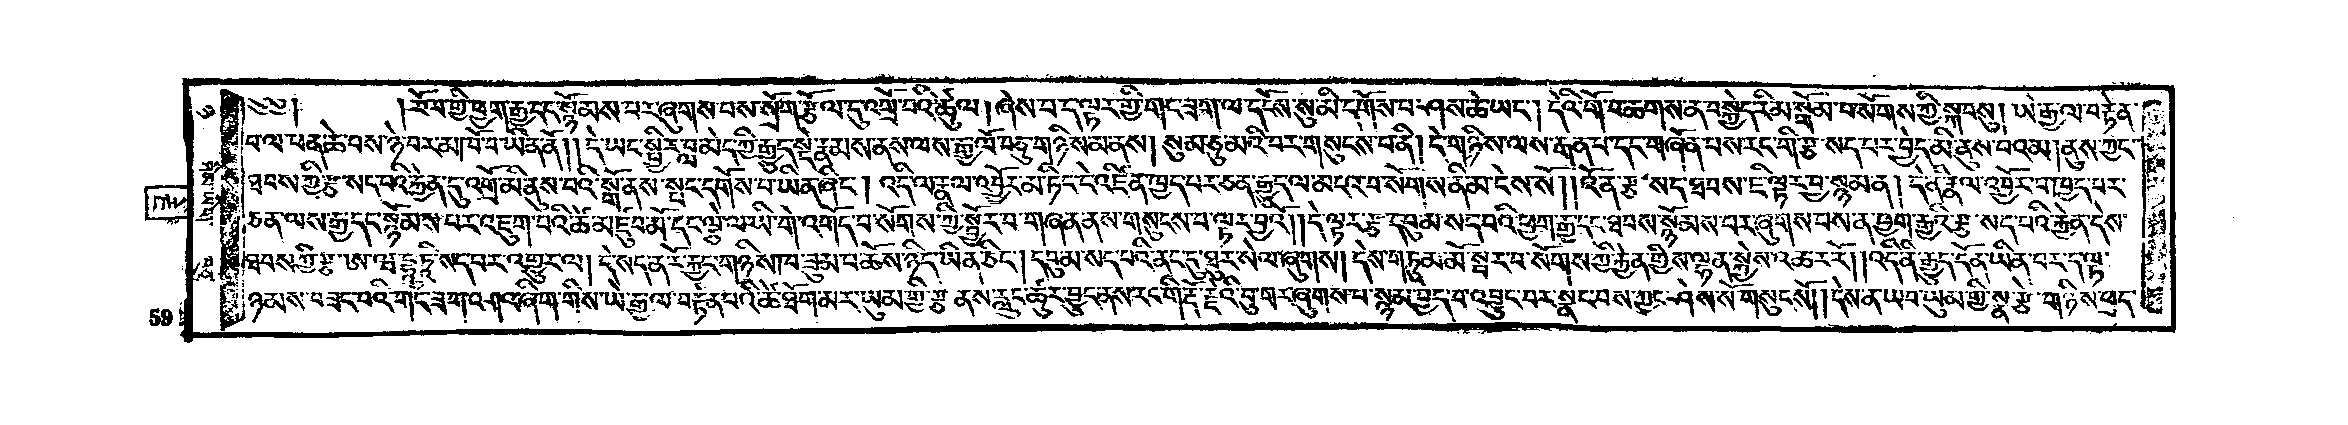༄༅། །རོལ་གྱི་ཕྱག་རྒྱ་དང་སྙོམས་པར་ཞུགས་པས་སྲོག་རྩོལ་དུ་འགྲོ་བའི་ཚུལ། ཞེས་པ་ད་ལྟར་གྱི་གང་ཟག་ལ་དངོས་སུ་མི་དགོས་པ་ཤས་ཆེ་ཡང་། དེའི་གོ་བ་ཆགས་ན་བསྐྱེད་རིམ་སྒོམ་བ་སོགས་ཀྱི་སྐབས་སུ། ཡེ་རྒྱ་ལ་བརྟེན་
པ་ལ་ཕན་ཆེ་བས་ཉེ་བར་མཁོ་བ་ཡིན་ནོ། །དེ་ཡང་སྤྱིར་བླ་མེད་ཀྱི་རྒྱུད་སྡེ་རྣམས་ནས་ལས་རྒྱ་ལོ་བཅུ་གཉིས་མ་ནས། སུམ་ཅུ་མའི་བར་གསུངས་པ་ནི། དེ་གཉིས་ལས་རྒན་པ་དང་གཞོན་པས་རང་གི་རྩ་སད་པར་བྱེད་མི་ནུས་པའམ། ནུས་ཀྱང་
ཐབས་ཀྱིས་རྩ་སད་པའི་རྐྱེན་དུ་འགྲོ་མི་ནུས་པའི་སྒོ་ནས་སྤང་དགོས་པ་ཡིན་ཞིང་། འདི་ལ་རྣལ་འབྱོར་མ་ཏིང་ངེ་འཛིན་ཁྱད་པར་ཅན་རྒྱུད་ལ་མངའ་བ་སོགས་ནི་མ་ངེས་སོ། །འོ་ན་རྩ་སད་ཐབས་ཇི་ལྟར་བྱ་སྙམ་ན། དེ་ནི་རྣལ་འབྱོར་བ་ཁྱད་པར་
ཅན་ལས་རྒྱ་དང་སྙོམས་པར་འཇུག་པའི་ཚེ་མཛུབ་མོ་དང་ལྕེ་ལ་ཡི་གེ་འགོད་པ་སོགས་ཀྱི་སྦྱོར་བ་གཞན་ནས་གསུངས་པ་ལྟར་བྱའོ། །དེ་ལྟར་རྩ་དབུ་མ་སད་བའི་ཕྱག་རྒྱ་དང་ཐབས་སྙོམས་པར་ཞུགས་པས་ན་ཕྱག་རྒྱའི་རྩ་སད་པའི་རྐྱེན་དེས་
ཐབས་ཀྱི་རྩ་ཨ་ཝ་དྷཱུ་ཏཱི་སད་པར་འགྱུར་ལ། དེ་སད་ན་རོ་རྐྱང་གཉིས་ཁ་ཟུམ་པ་ཆོས་ཉིད་ཡིན་ཅིང་། དབུ་མ་སད་པའི་ནང་དུ་ཐུར་སེལ་ཞུགས། དེས་གཏུམ་མོ་སྦར་བ་སོགས་ཀྱི་རྐྱེན་གྱིས་ལྷན་སྐྱེས་འཆར་རོ། །འདི་ནི་རྒྱུད་དོན་ཡིན་པར་ད་ལྟ་
ཉམས་བཟང་བའི་གང་ཟག་འགའ་ཞིག་གིས་ཡེ་རྒྱ་ལ་བརྟེན་པའི་ཚེ་ཐོག་མར་ཡུམ་གྱི་རྩ་ནས་རླུང་ཚུར་བྱུང་ནས་རང་གི་རྡོ་རྗེའི་བུ་གར་ཞུགས་པ་སྙམ་བྱེད་པ་འབྱུང་བར་སྣང་བས་ཀྱང་ཤེས་སོ་གསུངས་སོ། །དེས་ན་ཡབ་ཡུམ་གྱི་སྣ་རྩེ་གཉིས་ཕྲད་